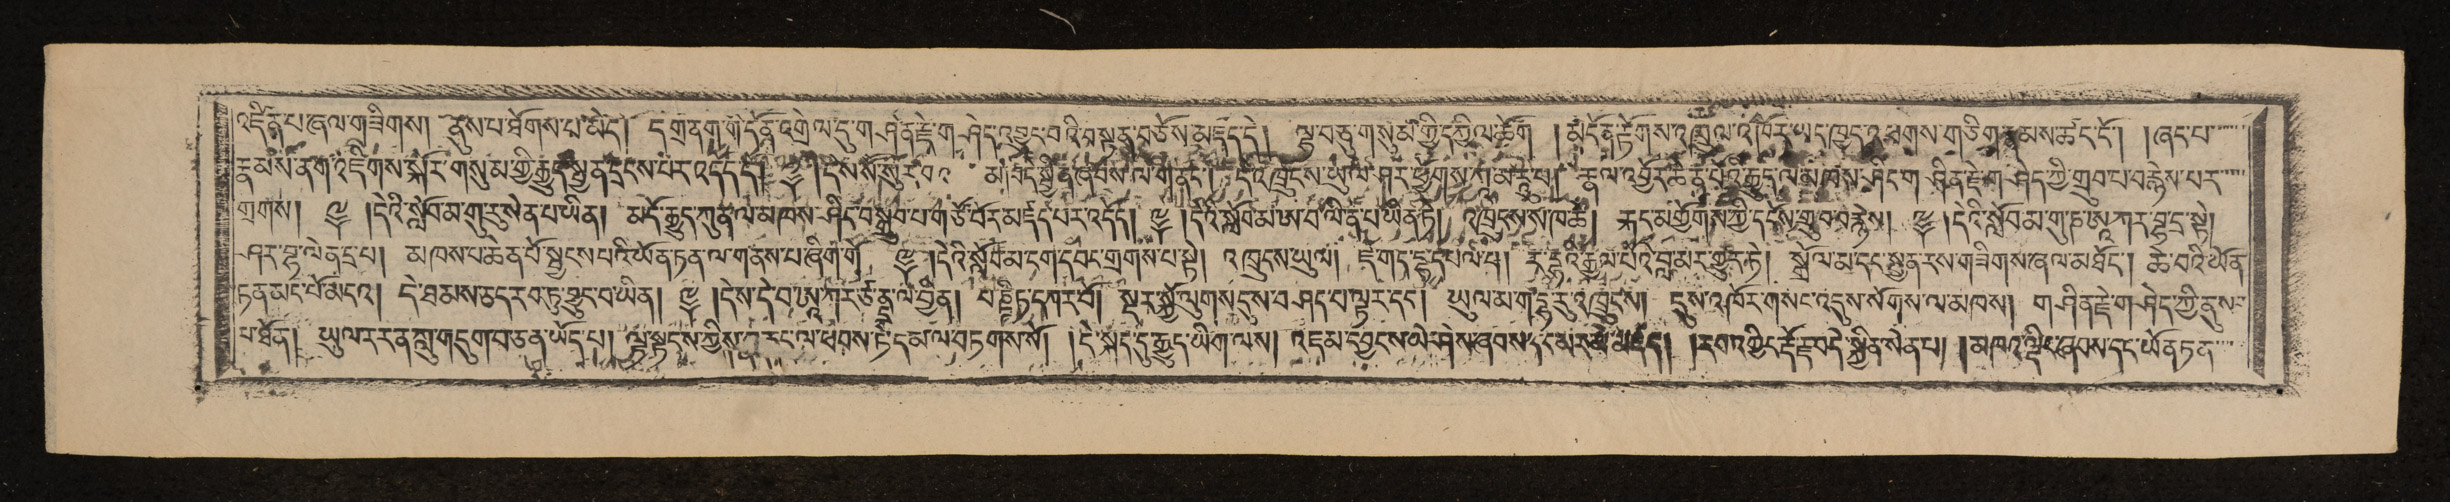འཛིན་པ་ཞལ་གཟིགས། ནུས་པ་ཐོགས་པ་མེད། དགྲ་ནག་གི་དོན་འགྲེལ་དུ་གཤིན་རྗེ་གཤེད་འབྱུང་བའི་བསྟན་བཅོས་མཛད་དེ། ལྷ་བཅུ་གསུམ་གྱི་དཀྱིལ་ཆོག །མངོན་རྟོགས་འཁྲུལ་འཁོར་ཡང་ཁྱད་འཕགས་གཅིག་རྣམས་ཚང་ངོ། །ཞང་བ་
རྣམས་ནག་འཇིགས་སྐོར་གསུམ་གྱི་རྒྱུད་སྤྱན་དྲངས་པར་འདོད་དོ། ༈ །དེས་སཽ་སུ་ར་བའམ། བདེ་སྦྱིན་ཞབས་ལ་གནང་། དེ་འཁྲུངས་ཡུལ་ཤར་ཕྱོགས་ཀཱ་མ་རཱུ་པ། རྣལ་འབྱོར་ཆེན་པོའི་རྒྱུད་ལ་མཁས་ཤིང་གཤིན་རྗེ་གཤེད་ཀྱི་གྲུབ་པ་བརྙེས་པར་
གྲགས། ༈ །དེའི་སློབ་མ་གུ་རུ་སེན་པ་ཡིན། མདོ་རྒྱུད་ཀུན་ལ་མཁས་ཤིང་བསྒྲུབ་པ་གཙོ་བོར་མཛད་པར་འདོད། ༈ །དེའི་སློབ་མ་ཨ་བ་ལིན་པ་ཡིན་ཏེ། འཁྲུངས་ས་ཁ་ཆེ། རྐང་མགྱོགས་ཀྱི་དངོས་གྲུབ་བརྙས། ༈ །དེའི་སློབ་མ་གུཎ་ཨཱ་ཀར་བྷྲ་དྲ་སྟེ།
ཤར་བྷ་ལེན་དྲ་པ། མཁས་པ་ཆེན་པོ་སྦྱངས་པའི་ཡོན་ཏན་ལ་གནས་པ་ཞིག་གོ ༈ །དེའི་སློབ་མ་ངག་དབང་གྲགས་པ་སྟེ། འཁྲུངས་ཡུལ། ཛ་གད་དྷ་དཔལ་པ། ར་དྷའི་རྒྱལ་པོའི་བླ་མར་གྱུར་ཏེ། སྒྲོལ་མ་དང་སྤྱན་རས་གཟིགས་ཞལ་མཐོང་། ཆེ་བའི་ཡོན་
ཏན་མང་པོ་མངའ། དེ་ཐམས་ཅད་རབ་ཏུ་བྱུང་བ་ཡིན། ༈ །དེས་དེ་བ་ཨཱ་ཀ་ར་ཙནྡྲ་ལ་བྱིན། པཎྜི་ཏ་དཀར་པོ། སྔར་སྐྱོ་ལུགས་དུས་བཤད་པ་ལྟར་དང་། ཡུལ་མ་ག་དྷ་རུ་འཁྲུངས། དུས་འཁོར་གསང་འདུས་སོགས་ལ་མཁས། གཤིན་རྗེ་གཤེད་ཀྱི་ནུས་
པ་ཐོན། ཡུལ་རར་ན་ཀླུ་གདུག་པ་ཅན་ཡོད་པ། ལྟ་སྟངས་ཀྱིས་གནད་ལ་ཕབས་ཏ་དམ་ལ་བཏགས་སོ། །དེ་སྐད་དུ་རྒྱུད་ཡིག་ལས། འཇམ་དབྱངས་ཡེ་ཤེས་ཞབས་དང་མར་མེ་མཛད། །རབ་འགྱིང་རྡོ་རྗེ་བདེ་སྦྱིན་སེན་པ། །མཁའ་ལྡིང་ཞབས་དང་ཡོན་ཏན་